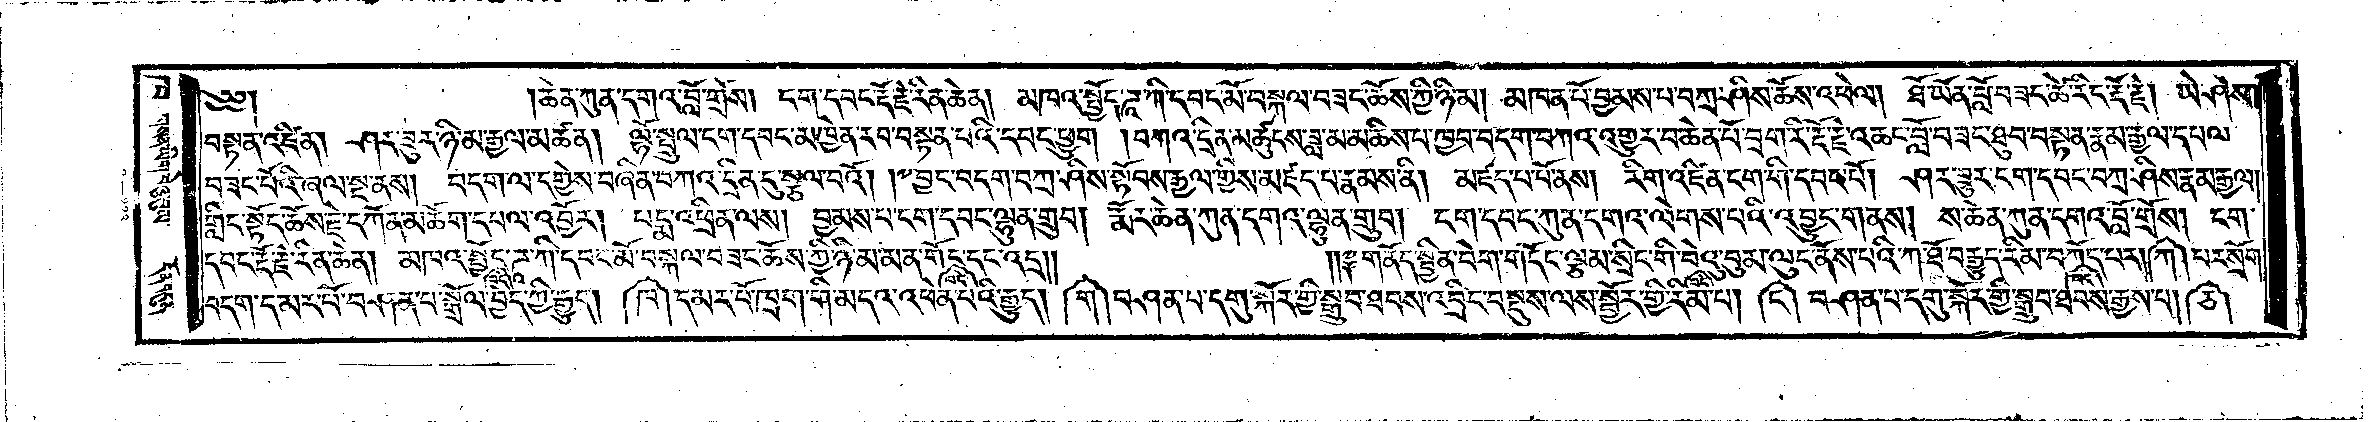༄༅། །ཆེན་ཀུན་དགའ་བློ་གྲོས། ངག་དབང་རྡོ་རྗེ་རིན་ཆེན། མཁའ་སྤྱོད་ཌཱ་ཀི་དབང་མོ་བསྐལ་བཟང་ཆོས་ཀྱི་ཉི་མ། མཁན་པོ་བྱམས་པ་བཀྲ་ཤིས་ཆོས་འཕེལ། ཐོ་ཡོན་བློ་བཟང་ཚེ་རིང་རྡོ་རྗེ། ཡེ་ཤེས་
བསྟན་འཛིན། ཤར་ཟུར་ཉི་མ་རྒྱལ་མཚན། ལྷོ་སྤྲུལ་ངག་དབང་མཁྱེན་རབ་བསྟན་པའི་དབང་ཕྱུག །བཀའ་དྲིན་མཚུངས་ཟླ་མ་མཆིས་པ་ཁྱབ་བདག་བཀའ་འགྱུར་བ་ཆེན་པོ་བྲག་རི་རྡོ་རྗེ་འཆང་བློ་བཟང་ཐུབ་བསྟན་རྣམ་རྒྱལ་དཔལ་
བཟང་པོའི་ཞལ་སྔ་ནས། བདག་ལ་དགྱེས་བཞིན་བཀའ་དྲིན་དུ་སྩལ་བའོ། །༧བྱང་བདག་བཀྲ་ཤིས་སྟོབས་རྒྱལ་གྱིས་མཛད་པ་རྣམས་ནི། མཛད་པ་པོ་ནས། རིག་འཛིན་ངག་གི་དབང་པོ། ཤར་ཟུར་ངག་དབང་བཀྲ་ཤིས་རྣམ་རྒྱལ།
གླིང་སྟོད་ཆོས་རྗེ་དཀོན་མཆོག་དཔལ་འབྱོར། པདམ་འཕྲིན་ལས། བྱམས་པ་ངག་དབང་ལྷུན་གྲུབ། རྨོར་ཆེན་ཀུན་དགའ་ལྷུན་གྲུབ། ངག་དབང་ཀུན་དགའ་ལེགས་པའི་འབྱུང་གནས། ས་ཆེན་ཀུན་དགའ་བློ་གྲོས། ངག་
དབང་རྡོ་རྗེ་རིན་ཆེན། མཁའ་སྤྱོད་ཌཱ་ཀི་དབང་མོ་བསྐལ་བཟང་ཆོས་ཀྱི་ཉི་མ་མན་གོང་དང་འདྲ།། །།༈ གནོད་སྦྱིན་བེག་གདོང་ལྕམ་སྲིང་གི་བེའུ་བུམ་ལུང་ནོས་པའི་ཀ་ཐོ་བརྒྱུད་རིམ་བཀོད་པར། ༼ཀ༽ པར་སྲོག་
བདག་དམར་པོ་བཤན་པ་སྒྲོལ་བྱེད་ཀྱི་རྒྱུད། ༼ཁ༽ དམར་པོ་ཁྲག་གི་མདའ་འཕེན་པའི་རྒྱུད། ༼ག༽ བཞན་པ་དགུ་སྐོར་གྱི་སྒྲུབ་ཐབས་འབྲིང་བསྡུས་ལས་སྦྱོར་གྱི་རིམ་པ། ༼ང༽ བཤན་པ་དགུ་སྐོར་གྱི་སྒྲུབ་ཐབས་རྒྱས་པ། ༼ཅ༽